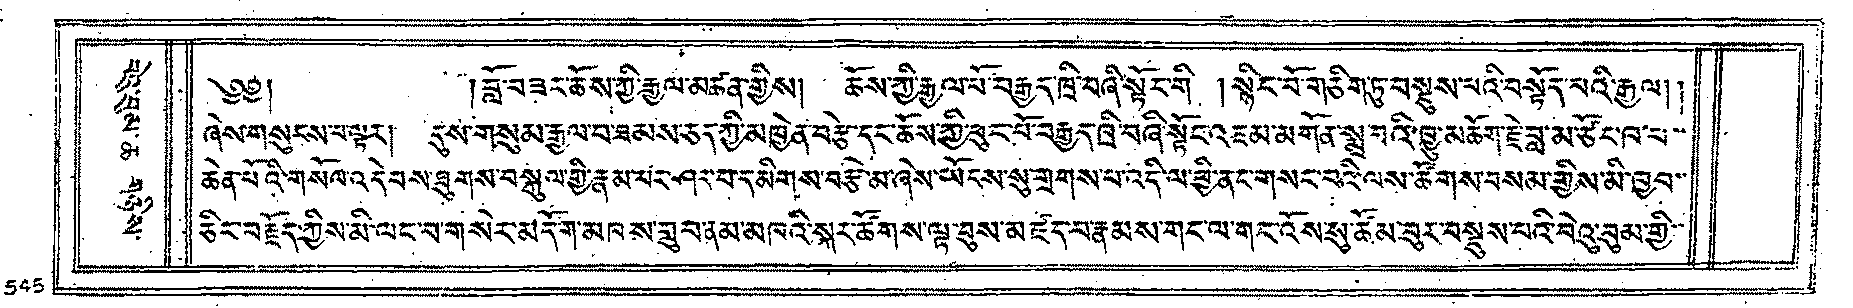༄༅། །བློ་བཟང་ཆོས་ཀྱི་རྒྱལ་མཚན་གྱིས། ཆོས་ཀྱི་རྒྱལ་པོ་བརྒྱད་ཁྲི་བཞི་སྟོང་གི །སྙིང་པོ་གཅིག་ཏུ་བསྡུས་པའི་བསྟོད་པའི་རྒྱལ། །
ཞེས་གསུངས་པ་ལྟར། དུས་གསུམ་རྒྱལ་བ་ཐམས་ཅད་ཀྱི་མཁྱེན་བརྩེ་དང་ཆོས་ཀྱི་ཕུང་པོ་བརྒྱད་ཁྲི་བཞི་སྟོང་འཇམ་མགོན་སྨྲ་བའི་ཁྱུ་མཆོག་རྗེ་བླ་མ་ཙོང་ཁ་པ་
ཆེན་པོའི་གསོལ་འདེབས་ཐུགས་བསྐུལ་གྱི་རྣམ་པར་ཤར་བ་དམིགས་བརྩེ་མ་ཞེས་ཡོངས་སུ་གྲགས་པ་འདི་ལ་ཕྱི་ནང་གསང་བའི་ལས་ཚོགས་བསམ་གྱིས་མི་ཁྱབ་
ཅིང་བརྗོད་ཀྱིས་མི་ལང་བ་གསེར་མདོག་མཁས་གྲུབ་ནམ་མཁའི་སྐར་ཚོགས་ལྟ་བུས་མཛད་པ་རྣམས་གང་ལ་གང་འོས་སུ་ཚོམ་བུར་བསྡུས་པའི་བེའུ་བུམ་གྱི་